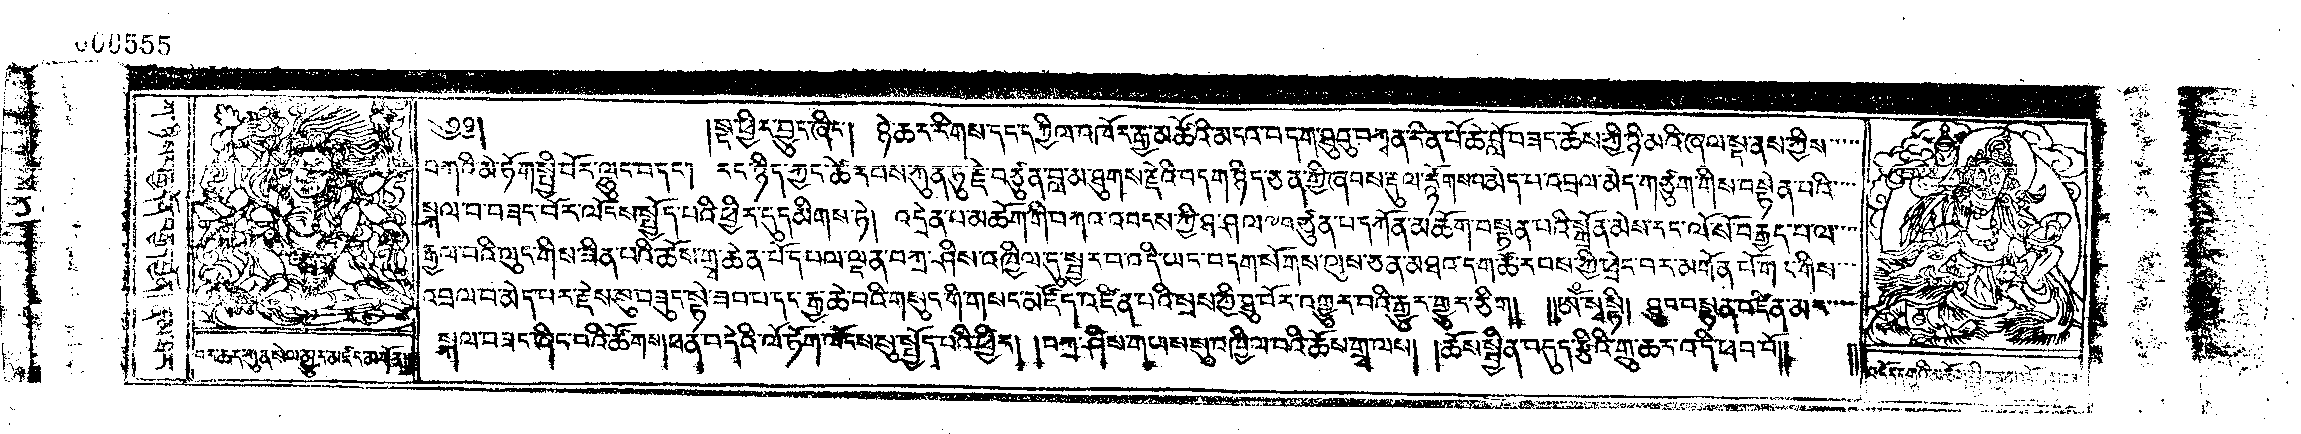༄༅། །སྔ་ཕྱིར་བྱུང་ཞིང་། ཉེ་ཆར་རིགས་དང་དཀྱིལ་འཁོར་རྒྱ་མཚོའི་མངའ་བདག་ཐུའུ་བཀྭན་རིན་པོ་ཆེ་བློ་བཟང་ཆོས་ཀྱི་ཉི་མའི་ཞལ་སྔ་ནས་ཀྱིས་
བཀའི་མེ་ཏོག་སྤྱི་བོར་ལྷུང་བ་དང་། རང་ཉིད་ཀྱང་ཚེ་རབས་ཀུན་ཏུ་རྗེ་བཙུན་བླ་མ་ཐུགས་རྗེའི་བདག་ཉིད་ཅན་གྱི་ཞབས་རྡུལ་རྙོགས་པ་མེད་པ་འབྲལ་མེད་གཙུག་གིས་བསྟེན་པའི་
སྐལ་བ་བཟང་པོར་ལོངས་སྤྱོད་པའི་ཕྱིར་དུ་དམིགས་ཏེ། འདྲེན་པ་མཆོག་གི་བཀའ་འབངས་ཀྱི་ཐ་ཤལ་༧་བཙུན་པ་དཀོན་མཆོག་བསྟན་པའི་སྒྲོན་མེས་རང་ལོ་སོ་བརྒྱད་པ་ལ་
རྒྱལ་བའི་ལུང་གིས་ཟིན་པའི་ཆོས་གྲྭ་ཆེན་པོ་དཔལ་ལྡན་བཀྲ་ཤིས་འཁྱིལ་དུ་སྦྱར་བ་འདི་ཡང་བདག་སོགས་ལུས་ཅན་མཐའ་དག་ཚེ་རབས་ཀྱི་ཕྲེང་བར་མགོན་པོ་གང་གིས་
འབྲལ་བ་མེད་པར་རྗེས་སུ་བཟུང་སྟེ་ཟབ་པ་དང་རྒྱ་ཆེ་བའི་གསུང་གི་གསང་མཛོད་འཛིན་པའི་སྲས་ཀྱི་ཐུ་བོར་འགྱུར་བའི་རྒྱུར་གྱུར་ཅིག། །།ཨོཾ་སྭ་སྟི། ཐུབ་བསྟན་འཛིན་མར་
སྐལ་བཟང་ཞིང་བའི་ཚོགས་།ཕན་བདེའི་ལོ་ཏོག་ལོངས་སུ་སྤྱོད་པའི་ཕྱིར། །བཀྲ་ཤིས་གཡས་སུ་འཁྱིལ་བའི་ཆོས་གྲྭ་ལས། །ཆོས་སྦྱིན་བདུད་རྩིའི་གྲྭ་ཆར་འདི་ཕབ་པོ།། །།